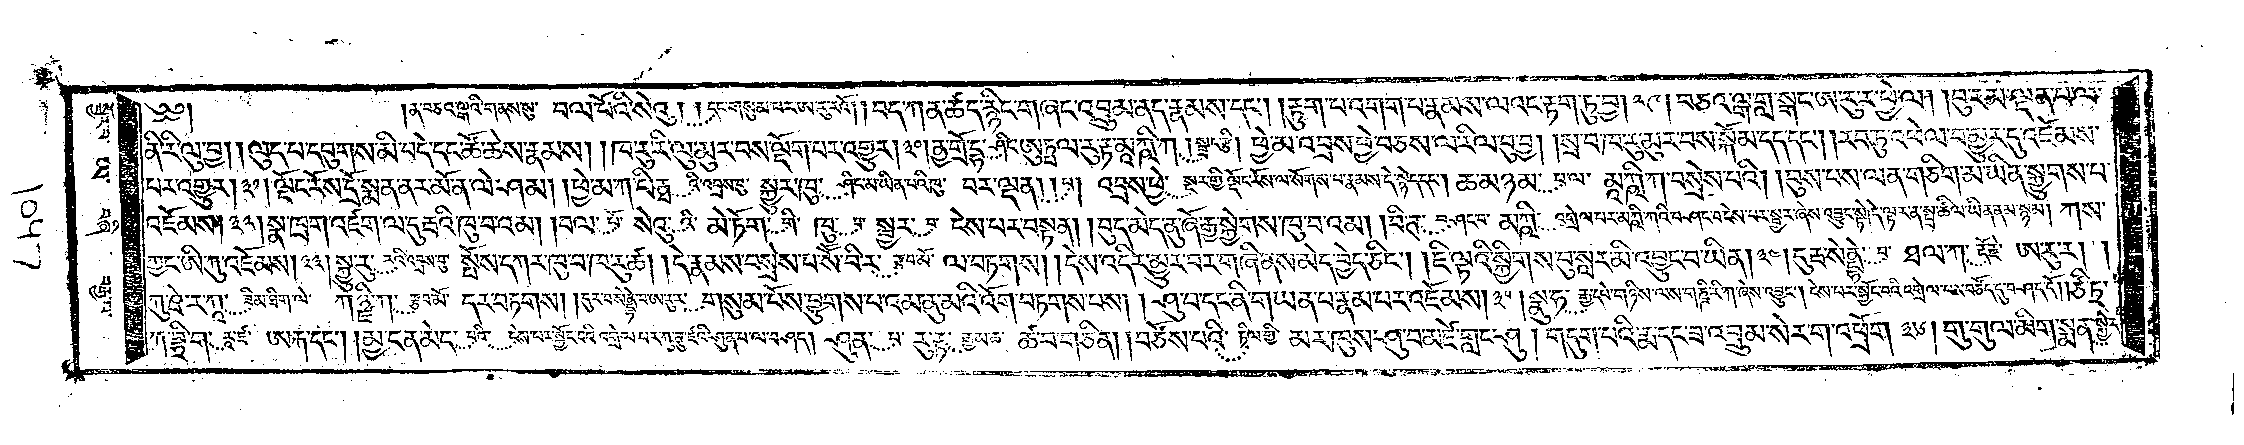༄༅། །ན་བཅའ་ལྒའི་གནས་སུ་བལ་པོའི་སེའུ། །དང་གསུམ་པར་ཨ་རུ་རའོ། །བད་ཀན་ཚད་རྙིང་གཞང་འབྲུམ་ནད་རྣམས་དང་། །རྟུག་པ་འགག་པ་རྣམས་ལའང་རྟག་ཏུ་བྱ། ༢༩་།བཅའ་ལྒ་གླ་སྒང་ཨ་རུ་ར་ཕྱེ་ལ། །བུ་རམ་ལྡན་པ་ལ་
ནི་རི་ལུ་བྱ། །ལུད་པ་དབུགས་མི་བདེ་དང་ཚོ་ཆེས་རྣམས། །ཁ་རུ་རི་ལུ་མུར་བས་ལྡོག་པར་འགྱུར། ༣༠་།ནྱ་གྲོ་དྷ་ཤིང་ཨུཏྤལ་རུ་རྟ་མཱཀྵི་ཀ །སྦྲང་རྩི། ཕྱེ་མ་འབྲས་ཕྱེ་བཅས་ལ་རིལ་བུ་བྱ། །སྲ་བ་ཁ་རུ་མུར་བས་སྐོམ་དད་དང་། །རབ་ཏུ་འཕེལ་བ་མྱུར་དུ་འཛོམས་
པར་འགྱུར། ༣༡་།ལྡོང་རོས་དྲོ་སྨན་ནར་མོ་ན་ལེ་ཤམ། །ཕྱེ་མ་ཀ་པིརྠའི་འབྲས་བུ་སྐྱུར་ཁུ་ཤིང་མ་ཡིན་པའི་ཁུ་བར་ལྡན། །པ། འབྲས་ཕྱེ་སྔར་གྱི་ལྡོང་རོས་ལ་སོགས་པ་རྣམས་དེ་སྙེད་དང་། ཆ་མཉམ་པ་ལ་མཱཀྵི་ཀ་བསྲེས་པའི། །བུས་པས་ལན་གཅིག་མ་ཡིན་སྐྱུགས་པ་
འཇོམས། ༣༢་།སྣ་ཁྲག་འཛག་ལ་དུརྦའི་ཁུ་བ་འམ། །བལ་པོ་སེའུ་འི་མེ་ཏོག་གི་ཁུ་བ་སྦྱར་བ་ངེས་པར་བསྟན། །བུད་མེད་ནུ་ཞོ་རྒྱ་སྐྱེགས་ཁུ་བ་འམ། བི་ཊ་བཤང་བ་མཀྵི་འགྲེལ་པར་མཀྵི་ཀའི་བཤང་བ་ངེས་པར་སྦྱར་ཞེས་འབྱུང་སྟེ། དེ་ལྟར་ན་སྤྲ་ཚིལ་ཡིན་ནམ་སྙམ། ཀས་
ཀྱང་ཨི་ཀུ་འཇོམས། ༣༣་།སྐྱུ་རུ་རའི་འབྲས་བུ་སྤོས་དཀར་ཁུ་བ་ཁ་རུ་ཚ། །དེ་རྣམས་བསྲེས་པ་སཽ་བི་ར་རྩབ་མོ་ལ་བཏགས། །དེས་འདིར་མྱུར་བར་གཞི་ནས་མེད་བྱེད་ཅིང་། །ཇི་ལྟའི་སྐྱིགས་བུ་སླར་མི་འབྱུང་བ་ཡིན། ༣༤་།དུརྦ་སེནྡྷེ་བ་ཐལ་ཀ་རྡོ་རྗེ་ཨ་རུ་ར། །
ཀུ་ཊཿཨེ་ར་ཀཱ་ཟིམ་ཐིག་ལེ་ཀ་ཉྫི་ཀ་རྩབ་མོ་དར་བཏགས། །དུར་བ་སེནྡྷེ་བ་ཨ་རུ་ར་གསུམ་པོས་བྱུགས་པ་འམ་ནུ་མའི་འོག་བཏགས་པས། །ཤུ་པ་དང་ནི་གཡན་པ་རྣམ་པར་འཇོམས། ༣༥་།སྣུ་ཧ་རྒྱ་དཔེ་གཉིས་ལས་གཎྜི་རི་ཀ་ཞེས་འབྱུང་། ངེས་པར་སྐྱོང་བའི་འགྲེལ་པར་བཙོད་དུ་བཤད་དོ། །ཙི་ཏྲ་
ཀ་བྷྲི་ག་རཱ་ཛ་ཨརྐ་དང་། །མྱ་ངན་མེད་པའི་ངེས་པར་སྐྱོང་བའི་འགྲེལ་པར་ཀུ་ཊུ་ཛའི་ཤུན་པ་ལ་བཤད། ཤུན་པ་རུ་རྟ་རྒྱམ་ཆ་ཚ་བ་གཅིན། །བཙོས་པའི་ཏིལ་གྱི་མར་ཁུས་ཤུ་བ་མཛེ་གླང་ཤུ་།གདུག་པའི་རྨ་དང་ཟ་འབྲུམ་སེར་ག་འཕྲོག ༣༦་།གུ་གུལ་མིག་སྨན་སྐྱེར་